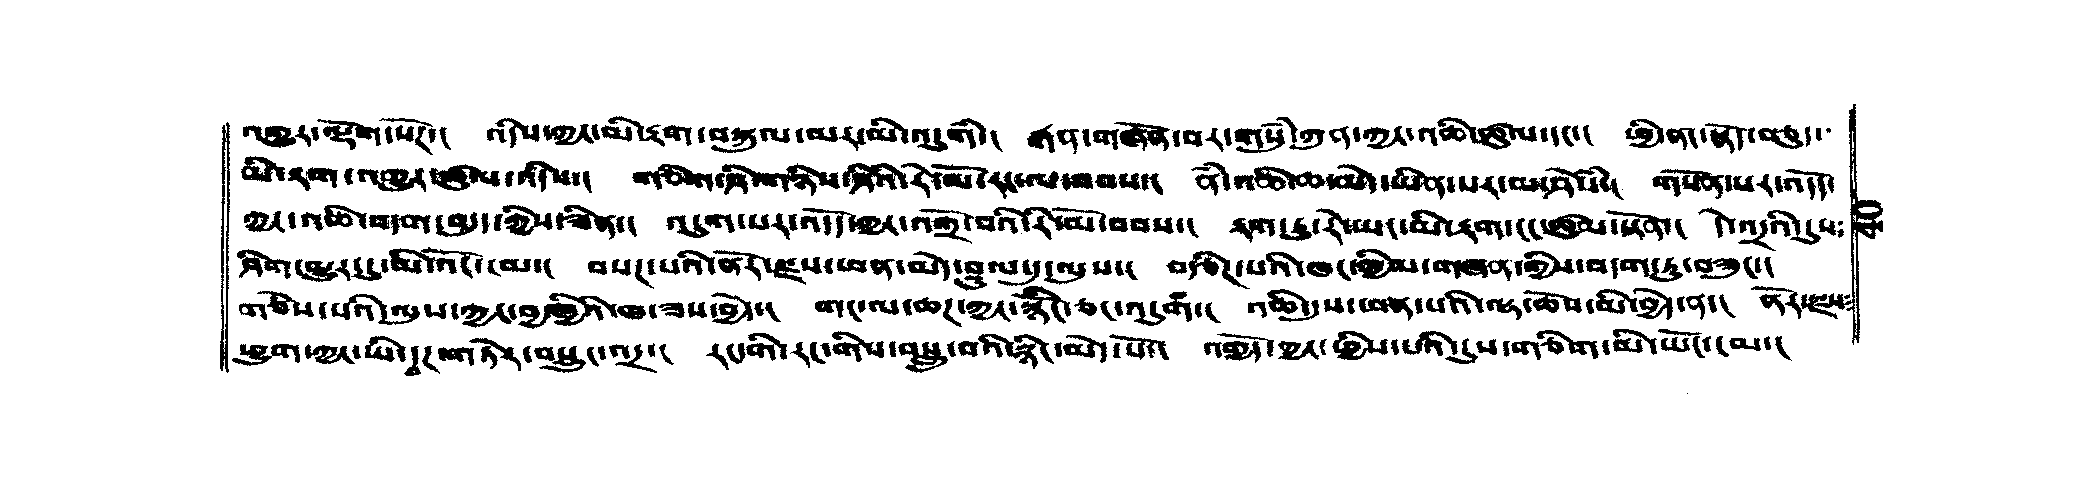འགྱུར་ལྡོག་དང་། །འདིས་ཀྱང་མི་རྟག་བསྐུལ་མར་མི་འདུག་གམ། །རྒན་གཞོན་བར་གསུམ་ཀུན་ཀྱང་འཆི་ཚུལ་དང་། །ཕྱི་ནང་སྣོད་བཅུད་
མི་རྟག་འགྱུར་ཚུལ་འདིས། །གཅིག་ཤི་གཉིས་ཤིའི་རེས་་མོས་རང་ལ་བབས། །ནམ་འཆི་ཆ་མེད་ཡིན་པར་མ་ཤེས་སམ། །གསོན་པར་འདོད་
ཀྱང་འཆི་བདག་བདུད་ཀྱིས་ཟིན། །འདུག་པར་འདོད་ཀྱང་འགྲོ་བའི་རི་མོ་བབས། །རྟག་ཏུ་རེ་ཡང་མི་རྟག་ངང་ཚུལ་སྟོན། །དེ་འདྲའི་དུས་
ཤིག་མྱུར་དུ་མི་འོང་ངམ། །བསགས་པའི་ནོར་རྫས་ཕན་མེད་ཤུལ་དུ་ལུས། །བརྩིགས་པའི་ཁང་ཁྱིམ་གཞན་གྱིས་བདག་ཏུ་བཟུང་། །
གཅེས་པའི་ལུས་ཀྱང་བྱ་ཁྱིའི་ཁ་ཟས་བྱེད།གང་ལ་ཆགས་ཀྱང་སྙིང་པོ་ཅང་འདུག་གམ། །འཆི་དུས་ཕན་པའི་ལྷ་ཆོས་མི་བྱེད་ན། །ནོར་རྫས་
ཕྱུག་ཀྱང་ཡི་དྭགས་གཏེར་བསྲུང་འདྲ། །རང་ཉིད་རང་གིས་བསླུ་བའི་སྙིང་མེད་པོ། །འགྱོད་ཀྱང་ཕྱིས་པའི་དུས་གཅིག་མི་ཡོང་ངམ།